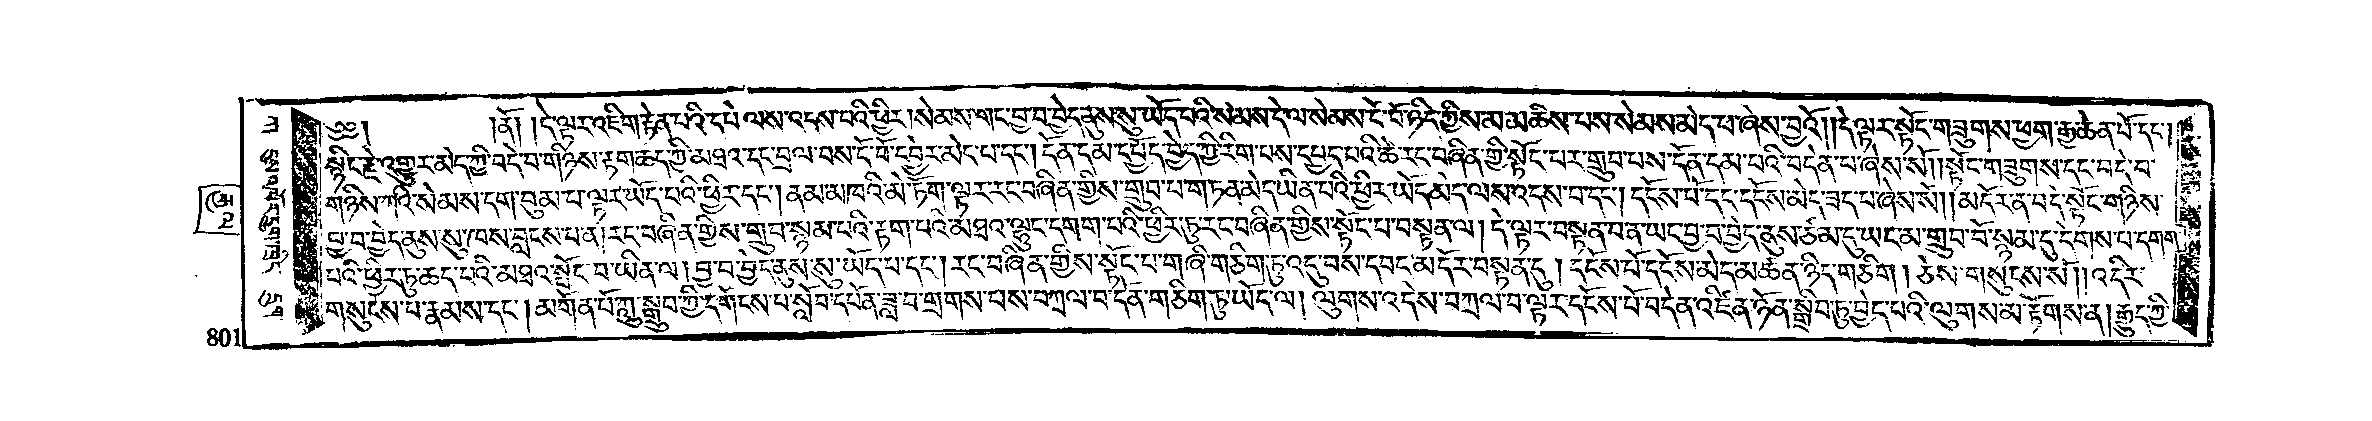༄༅། །ནོ། །དེ་ལྟར་འཇིག་རྟེན་པའི་དཔེ་ལས་འདས་པའི་ཕྱིར། སེམས་གང་བྱ་བ་བྱེད་ནུས་སུ་ཡོད་པའི་སེམས་དེ་ལ་སེམས་ངོ་བོ་ཉིད་ཀྱིས་མ་མཆིས་པས་སེམས་མེད་པ་ཞེས་བྱའོ། །དེ་ལྟར་སྟོང་གཟུགས་ཕྱག་རྒྱ་ཆེན་པོ་དང་།
སྙིང་རྗེ་འགྱུར་མེད་ཀྱི་བདེ་བ་གཉིས་རྟག་ཆད་ཀྱི་མཐའ་དང་བྲལ་བས་ངོ་བོ་དབྱེར་མེད་པ་དང་། དོན་དམ་དཔྱོད་བྱེད་ཀྱི་རིག་པས་དཔྱད་པའི་ཚེ་རང་བཞིན་གྱི་སྟོང་པར་གྲུབ་པས་དོན་དམ་པའི་བདེན་པ་ཞེས་སོ། །སྟོང་གཟུགས་དང་བདེ་བ་
གཉིས་ཀའི་སེམས་དག་བུམ་པ་ལྟར་ཡོད་པའི་ཕྱིར་དང་། ནམ་མཁའི་མེ་ཏོག་ལྟར་རང་བཞིན་གྱིས་གྲུབ་པ་གཏན་མེད་ཡིན་པའི་ཕྱིར་ཡོད་མེད་ལས་འདས་པ་དང་། དངོས་པོ་དང་དངོས་མེད་ཟད་པ་ཞེས་སོ། །མདོར་ན་བདེ་སྟོང་གཉིས་
བྱ་བ་བྱེད་ནུས་སུ་ཁས་བླངས་པ་ན། རང་བཞིན་གྱིས་གྲུབ་སྙམ་པའི་རྟག་པའི་མཐའ་ལྷུང་དགག་པའི་ཕྱིར་ཏུ་རང་བཞིན་གྱིས་སྟོང་པ་བསྟན་ལ། དེ་ལྟར་བསྟན་པ་ན་ཡང་བྱ་བ་བྱེད་ནུས་ཙམ་དུ་ཡང་མ་གྲུབ་བོ་སྙམ་དུ་དེགས་པ་དགག་
པའི་ཕྱིར་ཏུ་ཆད་པའི་མཐའ་སྤོང་བ་ཡིན་ལ། བྱ་བ་བྱེད་ནུས་སུ་ཡོད་པ་དང་། རང་བཞིན་གྱིས་སྟོང་པ་གཞི་གཅིག་ཏུ་འདུ་བས་དབང་མདོར་བསྟན་དུ། དངོས་པོ་དངོས་མེད་མཚན་ཉིད་གཅིག །ཅེས་གསུངས་སོ། །འདིར་
གསུངས་པ་རྣམས་དང་། མགོན་པོ་ཀླུ་སྒྲུབ་ཀྱི་དགོངས་པ་སློབ་དཔོན་ཟླ་བ་གྲགས་པས་བཀྲལ་བ་དོན་གཅིག་ཏུ་ཡོད་ལ། ལུགས་འདིས་བཀྲལ་བ་ལྟར་དངོས་པོ་བདེན་འཛིན་ཉོན་སྒྲིབ་ཏུ་བྱེད་པའི་ལུགས་མ་རྟོགས་ན། རྒྱུད་ཀྱི་